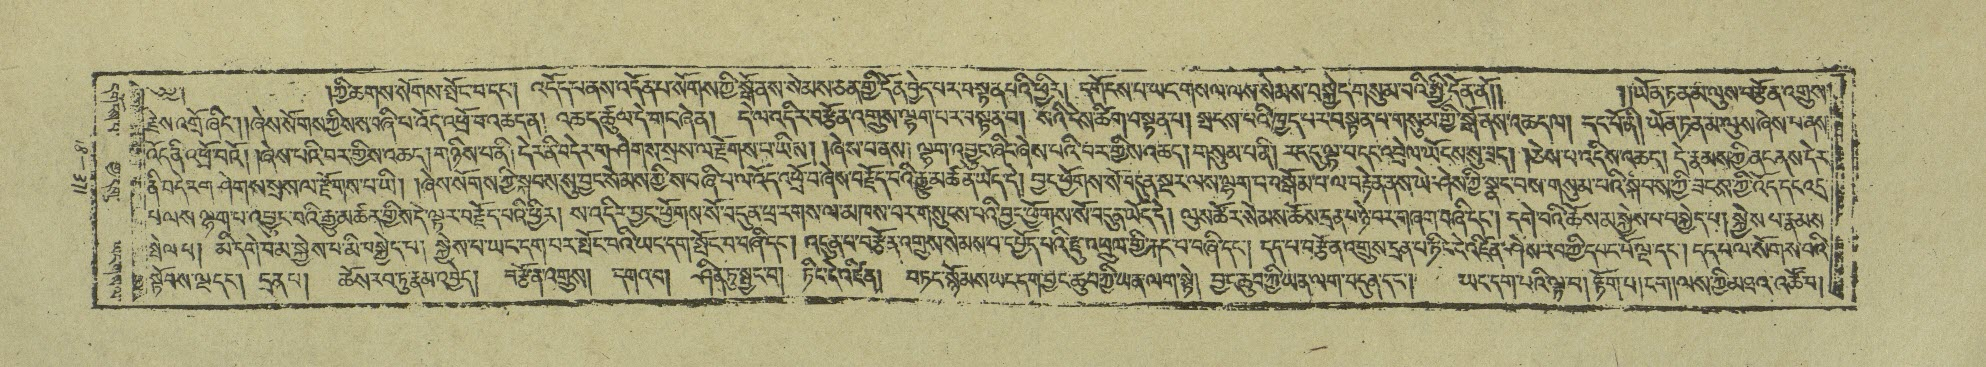༄༅། །ཀྱི་ཆགས་སོགས་སྤོང་བ་དང་། འདོད་པ་ནས་འདོན་པ་སོགས་ཀྱི་སྒོ་ནས་སེམས་ཅན་གྱི་དོན་བྱེད་པར་བསྟན་པའི་ཕྱིར། དགོངས་པ་ཡང་གསལ་ལས་སེམས་བསྐྱེད་གསུམ་པའི་སྤྱི་དོན་ནོ། ། །།ཡོན་ཏན་མ་ལུས་བརྩོན་འགྲུས་
རྗེས་འགྲོ་ཞིང་། །ཞེས་སོགས་ཀྱིས་ས་བཞི་པ་འོད་འཕྲོ་བ་འཆད་ན། འཆད་ཚུལ་དེ་གང་ཞེ་ན། དེ་ལ་འདིར་བརྩོན་འགྲུས་ལྷག་པར་བསྟན་པ། སའི་ངེས་ཚིག་བསྟན་པ། སྤངས་པའི་ཁྱད་པར་བསྟན་པ་གསུམ་གྱི་སྒོ་ནས་འཆད་ལ། དང་པོ་ནི། ཡོན་ཏན་མ་ལུས་ཞེས་པ་ནས་
འོད་ནི་འཕྲོ་བའོ། །ཞེས་པའི་བར་གྱིས་འཆད། གཉིས་པ་ནི། དེར་པ་ཚུལ་ཁྲིམས་དང་། ཏིང་ངེ་འཛིན་།ཞེས་པ་ནས། ལྷག་འབྱུང་ཞིང་ཞེས་པའི་བར་གྱིས་འཆད། གསུམ་པ་ནི། རང་དུ་ལྟ་བ་དང་འབྲེལ་ཡོངས་སུ་ཟད། །ཅེས་པ་འདིས་འཆད། དེ་རྣམས་ཀྱི་ནང་ནས་དེར་
ནི་བདེར་གཤེགས་སྲས་ལ་རྫོགས་པ་ཡི། །ཞེས་སོགས་ཀྱི་སྐབས་སུ་བྱང་སེམས་ཀྱི་ས་བཞི་པ་ལ་འོད་འཕྲོ་བ་ཞེས་བརྗོད་པའི་རྒྱུ་མཚན་ཡོད་དེ། བྱང་ཕྱོགས་སོ་བདུན་སྔར་ལས་ལྷག་པ་བསྒོམ་པ་ལ་བརྟེན་ནས་ཡེ་ཤེས་ཀྱི་སྣང་པས་གསུམ་པའི་སྐབས་ཀྱི་ཟངས་ཀྱི་འོད་དང་འདྲ་
བ་ལས་ལྷག་པ་འབྱུང་བའི་རྒྱུ་མཚན་གྱིས་དེ་ལྟར་བརྗོད་པའི་ཕྱིར། ས་འདིར་བྱང་ཕྱོགས་སོ་བདུན་ཕྲ་རགས་ལ་མཁས་པར་གསུངས་པའི་བྱང་ཕྱོགས་སོ་བདུན་ཡོད་དེ། ལུས་ཚོར་སེམས་ཆོས་དྲན་པ་ཉེ་བར་གཞག་བཞི་དང་། དགེ་བའི་ཆོས་མ་སྐྱེས་པ་བསྐྱེད་པ། སྐྱེས་པ་རྣམས་
སྤེལ་བ། མི་དགེ་བ་མ་སྐྱེས་པ་མི་བསྐྱེད་པ། སྐྱེས་པ་ཡང་དག་པར་སྤོང་བའི་ཡང་དག་སྤོང་བ་བཞི་དང་། འདུན་པ་བརྩོན་འགྲུས་སེམས་པ་དཔྱོད་པའི་རྫུ་འཕྲུལ་གྱི་རྐང་པ་བཞི་དང་། དད་པ་བརྩོན་འགྲུས་དྲན་པ་ཏིང་ངེ་འཛིན་ཤེས་རབ་ཀྱི་དབང་པོ་ལྔ་དང་། དད་པ་ལ་སོགས་པའི་
སྟོབས་ལྔ་དང་། དྲན་པ། ཆོས་རབ་ཏུ་རྣམ་འབྱེད། བརྩོན་འགྲུས། དགའ་བ། ཤིན་ཏུ་སྦྱང་བ། ཏིང་ངེ་འཛིན། བཏང་སྙོམས་ཡང་དག་བྱང་ཆུབ་ཀྱི་ཡན་ལག་སྟེ། བྱང་ཆུབ་ཀྱི་ཡན་ལག་བདུན་དང་། ཡང་དག་པའི་ལྟ་བ། རྟོག་པ། ངག །ལས་ཀྱི་མཐའ་འཚོ་བ།